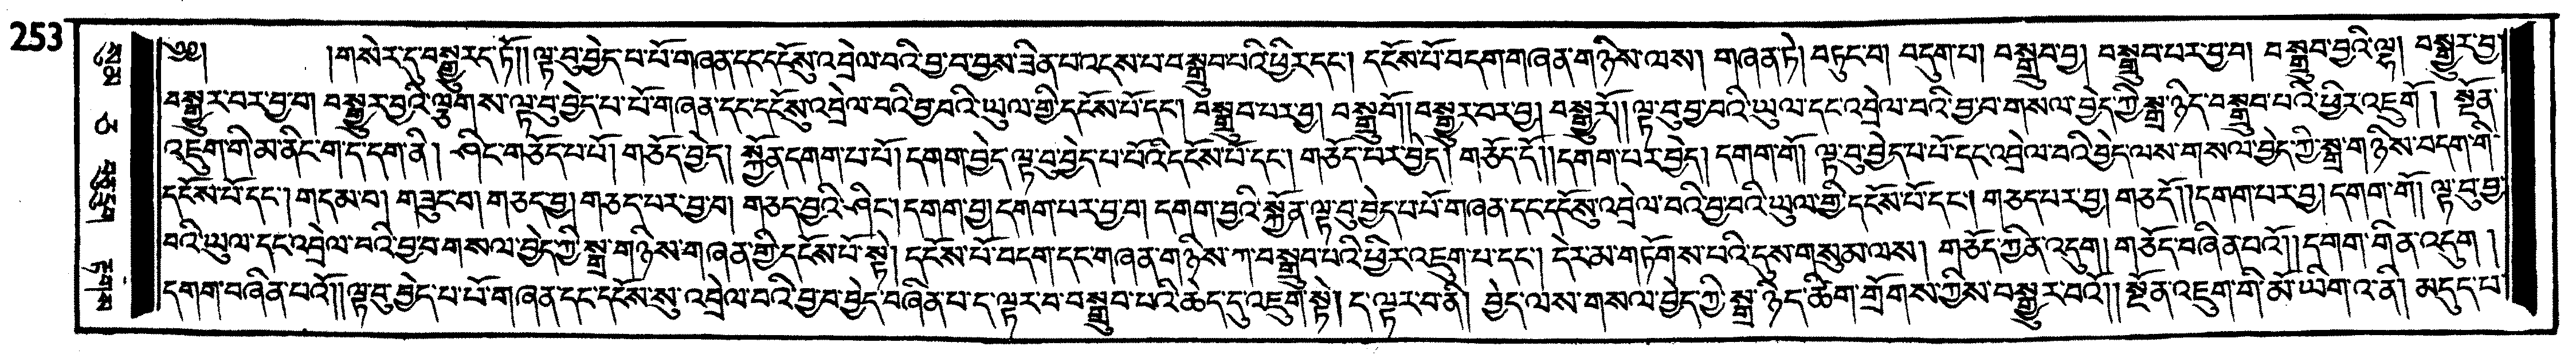༄༅། །གསེར་དུ་བསྒྱུརྡ་ཏོ། །ལྟ་བུ་བྱེད་པ་པོ་གཞན་དང་དངོསུ་འབྲེལ་བའི་བྱ་བ་བྱས་ཟིན་པ་འདས་པ་བསྒྲུབ་པའི་ཕྱིར་དང་། དངོས་པོ་བདག་གཞན་གཉིས་ལས། གཞན་ཏེ། བཏུང་བ། བདུག་པ། བསྒྲུབ་བྱ། བསྒྲུབ་པར་བྱ་བ། བསྒྲུབ་བྱའི་ལྷ། བསྒྱུར་བྱ་
བསྒྱུར་བར་བྱ་བ། བསྒྱུར་བྱའི་ལྕགས་ལྟ་བུ་བྱེད་པ་པོ་གཞན་དང་དངོསུ་འབྲེལ་བའི་བྱ་བའི་ཡུལ་གྱི་དངོས་པོ་དང་། བསྒྲུབ་པར་བྱ། བསྒྲུབོ། །བསྒྱུར་བར་བྱ། བསྒྱུརོ། །ལྟ་བུ་བྱ་བའི་ཡུལ་དང་འབྲེལ་བའི་བྱ་བ་གསལ་བྱེད་ཀྱི་སྒྲ་ཉིད་བསྒྲུབ་པའི་ཕྱིར་འཇུགོ། སྔོན་
འཇུག་གི་མ་ནིང་ག་ད་དག་ནི། ཤིང་གཅོད་པ་པོ། གཅོད་བྱེད། སྐྱོན་དགག་པ་པོ། །དགག་བྱེད་ལྟ་བུ་བྱེད་པ་པོའི་དངོས་པོ་དང་། གཅོད་པར་བྱེད། གཅོད་དོ། །དགག་པར་བྱེད། དགག་གོ། ལྟ་བུ་བྱེད་པ་པོ་དང་འབྲེལ་བའི་བྱེད་ལས་གསལ་བྱེད་ཀྱི་སྒྲ་གཉིས་བདག་གི་
དངོས་པོ་དང་། གདམ་བ། གཟུང་བ། གཅད་བྱ། གཅད་པར་བྱ་བ། གཅད་བྱའི་ཤིང་། དགག་བྱ། དགག་པར་བྱ་བ། དགག་བྱའི་སྐྱོན་ལྟ་བུ་བྱེད་པ་པོ་གཞན་དང་དངོསུ་འབྲེལ་བའི་བྱ་བའི་ཡུལ་གྱི་དངོས་པོ་དང་། གཅད་པར་བྱ། གཅདོ། །དགག་པར་བྱ། དགག་གོ། ལྟ་བུ་བྱ་
བའི་ཡུལ་དང་འབྲེལ་བའི་བྱ་བ་གསལ་བྱེད་ཀྱི་སྒྲ་གཉིས་གཞན་གྱི་དངོས་པོ་སྟེ། དངོས་པོ་བདག་དང་གཞན་གཉིས་ཀ་བསྒྲུབ་པའི་ཕྱིར་འཇུག་པ་དང་། དེར་མ་གཏོགས་པའི་དུས་གསུམ་ལས། གཅོད་ཀྱིན་འདུག། གཅོད་བཞིན་པའོ། །དགག་གིན་འདུག །
དགག་བཞིན་པའོ། །ལྟ་བུ་བྱེད་པ་པོ་གཞན་དང་དངོས་སུ་འབྲེལ་བའི་བྱ་བ་བྱེད་བཞིན་པ་ད་ལྟར་བ་བསྒྲུབ་པའི་ཆེད་དུ་འཇུག་སྟེ། ད་ལྟར་བ་ནི། བྱེད་ལས་གསལ་བྱེད་ཀྱི་སྒྲ་ཉིད་ཚིག་གྲོགས་ཀྱིས་བསྒྱུར་བའོ། །སྔོན་འཇུག་གི་མོ་ཡིག་འ་ནི། མདུད་པ་